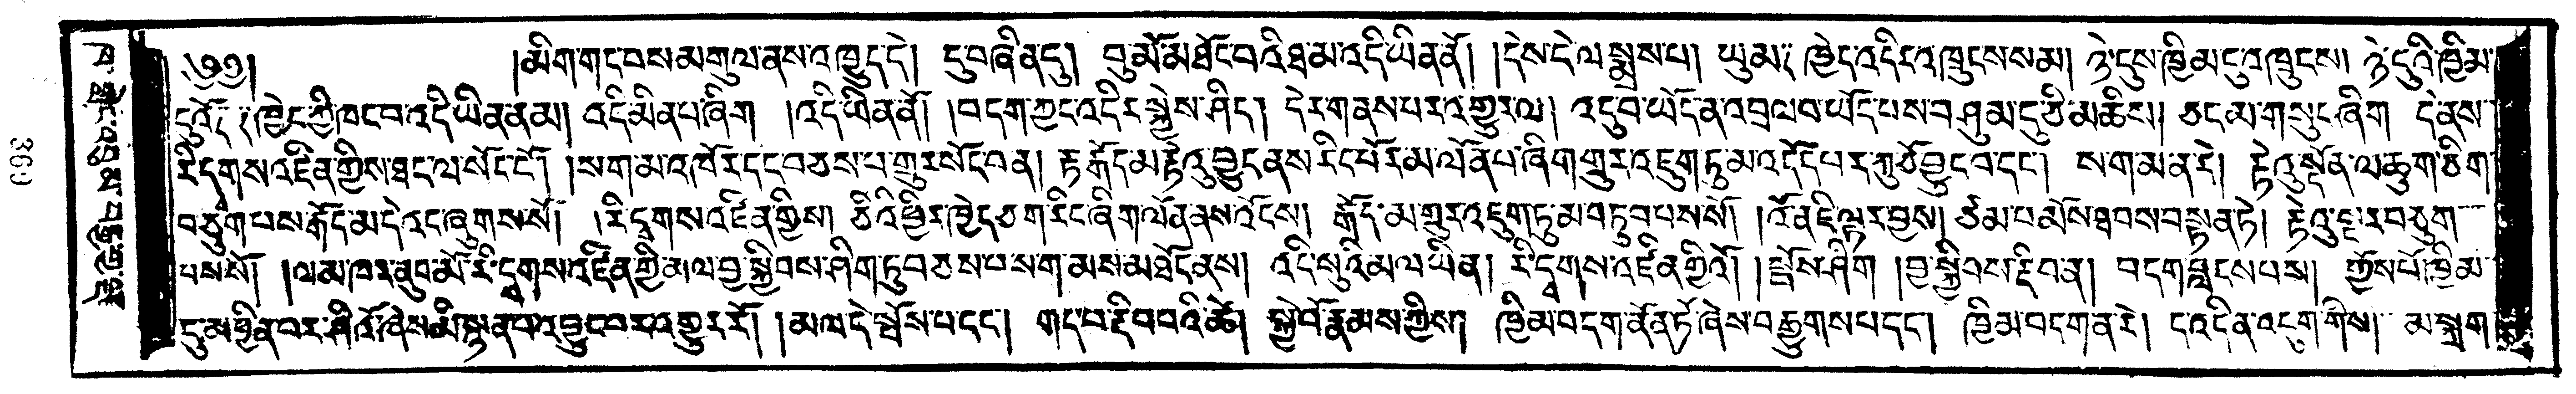༄༅། །མིག་གང་བས་མགུལ་ནས་འཁྱུད་དེ། དུ་བཞིན་དུ། བུ་མོ་མཐོང་བའི་ཐ་མ་འདི་ཡིན་ནོ། །དེས་དེ་ལ་སྨྲས་པ། ཡུམ༑ ཁྱེད་འདིར་འཁྲུངས་སམ། ཉེ་དུས་ཁྱིམ་དུ་འཁྲུངས། ཉེ་དུའི་ཁྱིམ་
དུའོ༑ ༑ཁྱེད་ཀྱི་ཁང་བ་འདི་ཡིན་ནམ། འདི་མིན་པ་ཞིག །འདི་ཡིན་ནོ། །བདག་ཀྱང་འདིར་སྐྱེས་ཤིང་། དེར་གནས་པར་འགྱུར་ལ། འདུ་བ་ཡོད་ན་འབྲལ་བ་ཡོད་པས་བཤུམ་དུ་ཅི་མཆིས། ཅང་མ་གསུང་ཞིག་དེ་ནས་
རི་དྭགས་འཛིན་གྱིས་ཐང་ལ་སོང་ངོ། །སག་མ་འཁོར་དང་བཅས་པ་གྲུར་སོང་བ་ན། རྟ་རྒོད་མ་རྟེའུ་བྱུང་ནས་རིང་པོར་མ་ལོན་པ་ཞིག་གྲུར་འཇུག་ཏུ་མ་འདོད་པར་ཀུ་ཅོ་བྱུང་བ་དང་། ས་ག་མ་ན་རེ། རྟེའུ་སྔོན་ལ་ཆུག་ཅིག་
བཅུག་པས་རྒོད་མ་དེའང་ཞུགས་སོ། །རི་དྭགས་འཛིན་གྱིས། ཅིའི་ཕྱིར་ཁྱེད་ཅག་རིང་ཞིག་ལོན་ནས་འོངས། རྒོད་མ་གྲུར་འཇུག་ཏུ་མ་བཏུབ་པས་སོ། །འོ་ན་ཇི་ལྟར་བྱས། ཙམ་པ་མོས་ཐབས་བསྟན་ཏེ། རྟེའུ་སྔར་བཅུག་
པས་སོ། །ལམ་ཁར་ནུབ་མོ་རི་དྭགས་འཛིན་གྱི་མལ་བྱ་སྐྱིབས་ཤིག་ཏུ་བཅས་པ་ས་ག་མས་མཐོང་ནས། འདི་སུའི་མལ་ཡིན། རི་དྭགས་འཛིན་གྱིའོ། །སྦོས་ཤིག །བྱ་སྐྱིབས་རྡིབ་ན། བདག་བླངས་པས། གྱོས་པོ་ཁྱིམ་
དུ་མ་ཕྱིན་པར་ཤིའོ་ཞེས་མི་སྙན་པ་འབྱུང་བར་འགྱུར་རོ། །མལ་དེ་སྤོས་པ་དང་། གད་པ་རྡིབ་པའི་ཚེ། སྐྱེ་བོ་རྣམས་ཀྱིས། ཁྱིམ་བདག་ནོན་ཏོ་ཞེས་བརྒྱུགས་པ་དང་། ཁྱིམ་བདག་ན་རེ། ད་འདི་ན་འདུག་གིས། མ་སྐྲག་